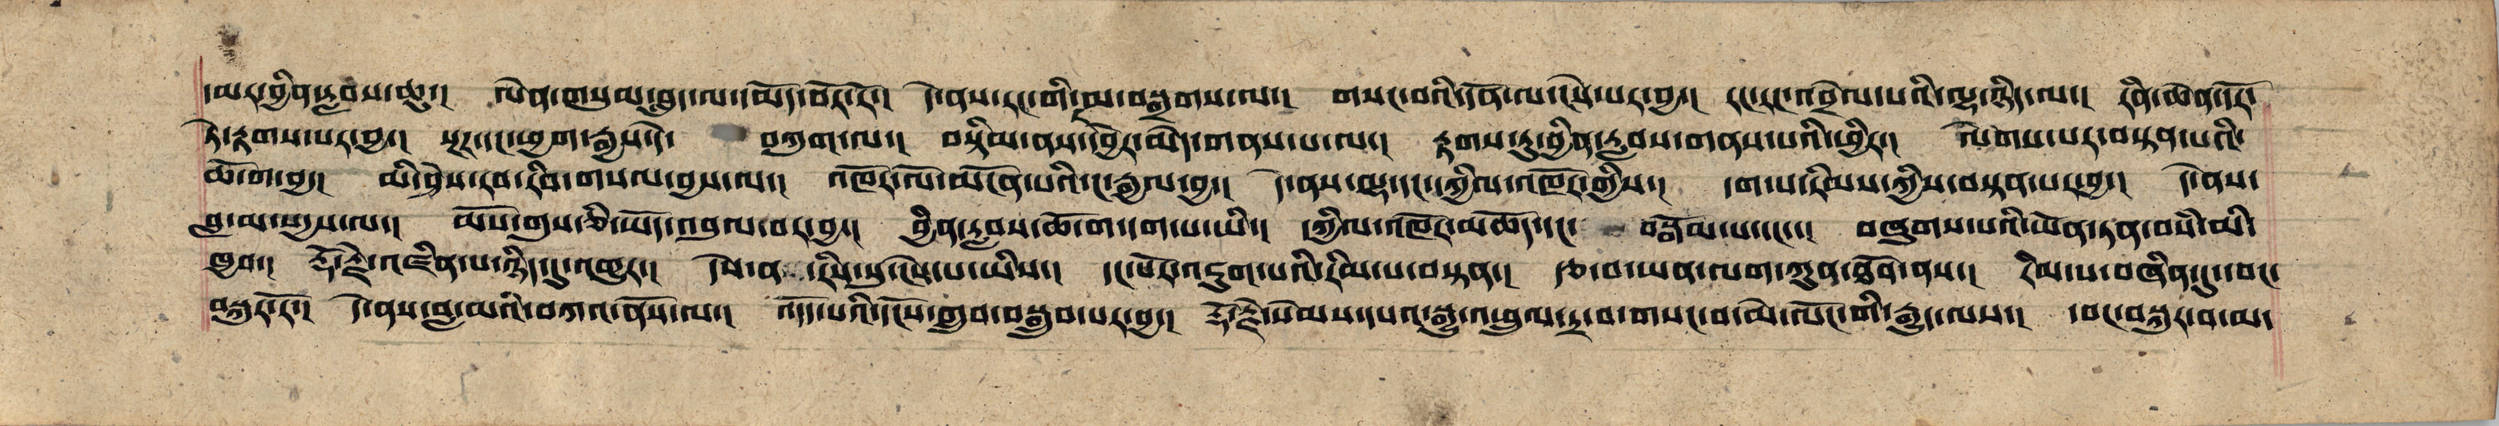དམར་བྱིན་རླབས་ཆུ་། ལེན་གསུམ་བླུད་ལ་དམོད་བོར་ཏོ་། དེ་ནས་རང་གི་མ་བསྒྲགས་ལ་། གསང་བའི་དོན་ལ་ངེས་པར་བྱ་། རང་རང་འབྲེལ་པའི་ལྷ་ཉིད་ལ་། རིན་ཆེན་དོར་
ཏེ་རྟགས་པར་བྱ་། སྔཌ་དང་ཕྱག་རྒྱས་དེ་ བཀུག་ལ་། བསྟིམ་ནས་དབྱེར་མེད་གནས་པ་ལ་། རྟགས་ཏུ་བྱིན་རླབས་གནས་པའི་ཕྱིར་། ལེགས་པར་བསྟན་པའི་
ཆོ་ག་བྱ་། མི་ཤེས་རབ་རིབ་གསལ་བྱས་ལ་། འཁོར་ལོ་མངོན་པའི་ང་རྒྱལ་བྱ་། དེ་ནས་ལྷ་དང་དཀྱིལ་འཁོར་གྱིས་། དག་པ་རིམས་ཀྱིས་བསྟན་པར་བྱ་། དེ་ནས་
བླ་མ་སདྱས་ལ་། མོས་གུས་ཅི་ཡོད་འབུལ་བར་བྱྲ་། བྱིན་རླབས་ཆོ་ག་དག་པ་ཡི་། དཀྱིལ་འཁོར་མཆོད་དང་ བསྒོམ་པ་དང་་། བཞུགས་པའི་ཡོན་ཏན་བསཾ་མི་
ཁྱབ་། རྡོ་རྗེ་འཛིན་པ་ཉིད་དུ་འགྱུར་། དེས་ན་རིས་སུ་ངེས་པ་ཡིས་། དང་པོར་འཇུག་པའི་རིམ་པ་བསྟན་། རྩ་བ་ཡན་ལག་ཀུན་ཐོབ་ནས་། རིམ་པ་བཞིན་དུ་དབང་
བསྐུར་རོ་། དེ་ནས་བླ་མའི་བཀའ་ནོས་ལ་། འདོད་པའི་དངོས་གྲུབ་བསྒྲུབ་པར་བྱ་། རྡོ་རྗེ་སེམས་དཔའ་སྒྱུ་འཕྲུལ་དྲ་བ་གསང་བ་མེ་ལོང་གི་རྒྱུད་ལས་། དབང་བསྐུར་བ་མ་